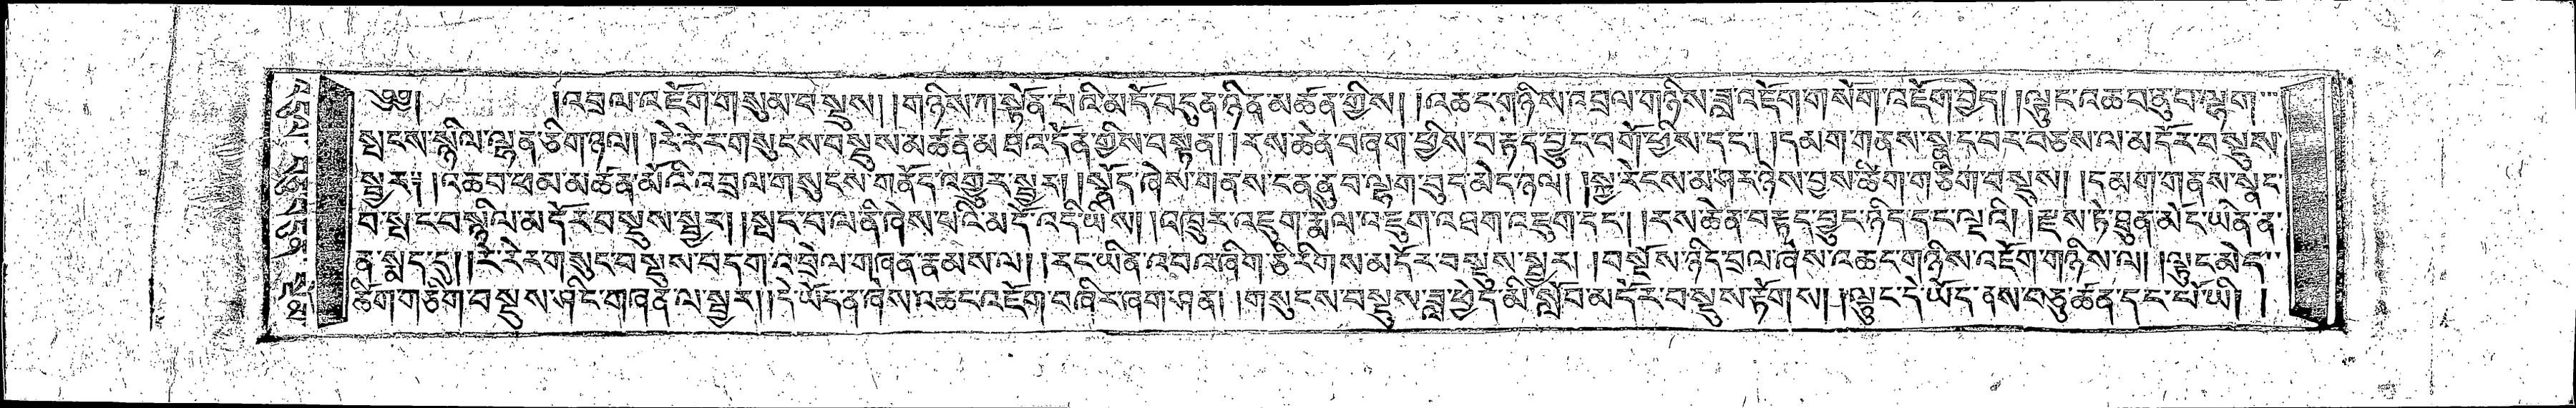༄༅། །འབྲལ་འཇོག་གསུམ་བསྡུས། །གཉིས་ཀ་སྟོན་པའི་མདོ་བདུན་ཉིན་མཚན་གྱིས། །འཆང་གཉིས་འབྲལ་གཉིས་ཟླ་འཇོག་གསོག་འཇོག་བྱེད། །ལྟུང་འཆབ་ནུབ་ལྷག་
སྤངས་སྙིལ་ལྷན་ཅིག་ཉལ། །རེ་རེར་གསུངས་བསྡུས་མཚན་མཐའ་དོན་གྱིས་བསྟན། །རས་ཆེན་བཞག་ཕྱིས་བརྟད་བྱུང་བགོ་ཕྱིས་དང་། །དམག་གནས་སྣང་བར་བཅས་ལ་མདོར་བསྡུས་
སྦྱར༑ །འཆབ་ཕམ་མཚན་མོའི་འབྲལ་གསུངས་གནོད་འགྱུར་སྦྱར། །སྣོད་ཞེས་གནས་ངན་ནུབ་ལྷག་བུད་མེད་ཉལ། །སྐྱ་རེངས་མ་ཤར་ཉེས་བྱས་ཚིག་གཅིག་བསྡུས། །དམག་གནས་སྣང་
བ་སྤང་བསྙིལ་མདོར་བསྡུས་སྦྱར། །སྤང་བ་ལ་ནི་ཞེས་པའི་མདོ་འདི་ཡིས། །འཁྲུར་འཇུག་རྨེལ་འཇུག་འཐག་འཇུག་དང་། །རས་ཆེན་བརྟད་བྱུང་ཉིད་དང་ལྔའི། །རྫས་ཏེ་ཐུན་མོང་ཡིན་ན་
ན་སྨད་དུ། །རེ་རེར་གསུང་བསྡུས་བདག་འབྲེལ་གཞན་རྣམས་ལ། །རང་ཡིན་འབའ་ཞིག་ཅི་རིགས་མདོར་བསྡུས་སྦྱར། །བསྔོས་ཉིད་བྲལ་ཞེས་འཆང་གཉིས་འཇོག་གཉིས་ལ། །ལྟུང་མེད་
ཚིག་གཅིག་བསྡུས་ཤིང་གཞན་ལ་སྦྱར། །དེ་ཡོད་ན་ཞེས་འཆང་འཇོག་བཞིར་ཞག་ཤན། །གསུངས་བསྡུས་ཟླ་ཕྱེད་མི་སློབ་མདོར་བསྡུས་རྟོགས། །ལྟུང་དེ་ཡོད་ནས་བཅུ་ཚན་དང་པོ་ཡི། །